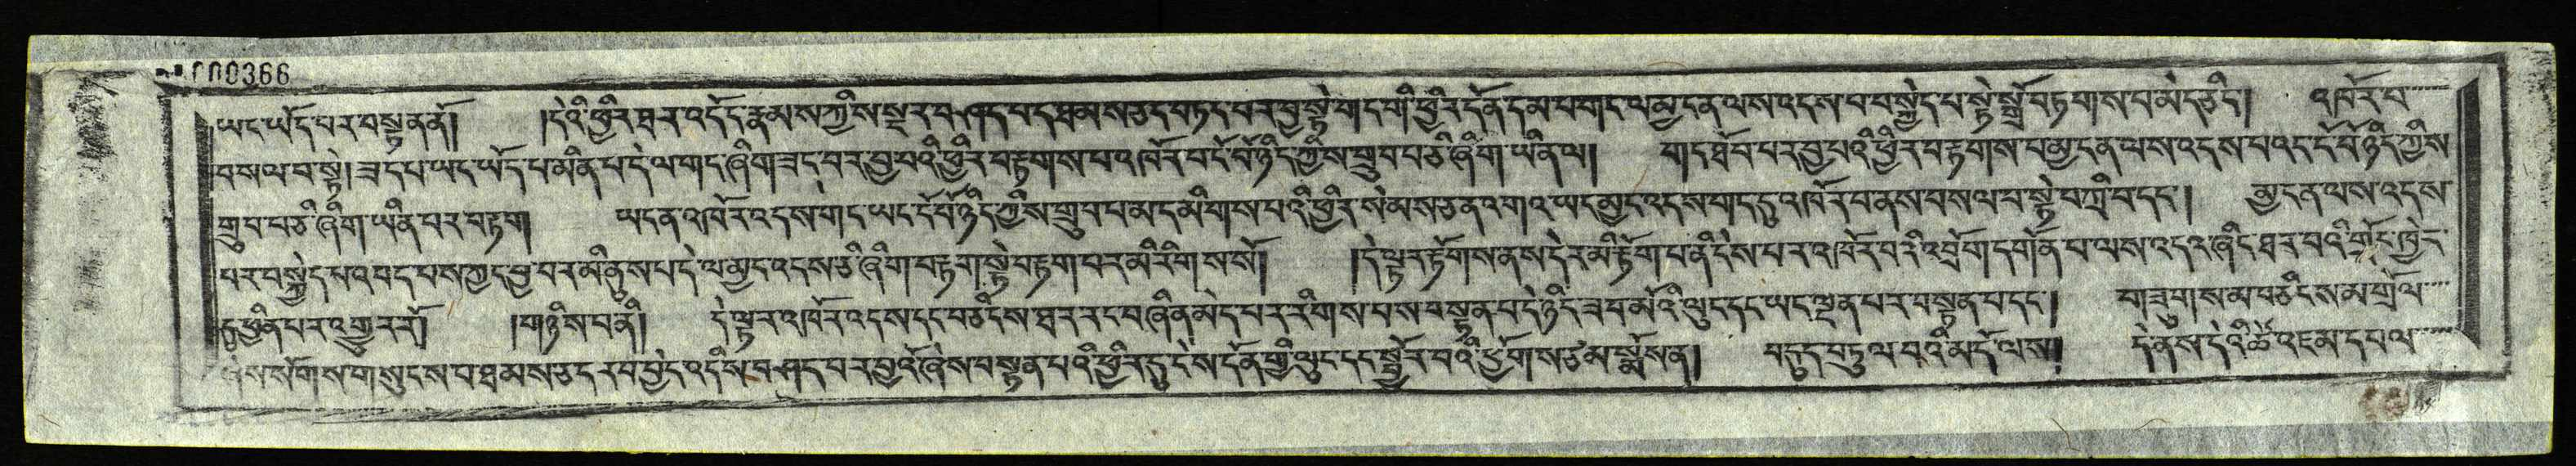ཡང་ཡོད་པར་བསྟན་ནོ། །དེའི་ཕྱིར་ཐར་འདོད་རྣམས་ཀྱིས་སྔར་བཤད་པ་ད་ཐམས་ཅད་བཏང་བར་བྱ་སྟེ་གང་གི་ཕྱིར་དོན་དམ་པ་གང་ལ་མྱ་ངན་ལས་འདས་པ་བསྐྱེད་པ་སྟེ་སྒྲོ་བཏགས་པ་མེད་ཅིང་། འཁོར་བ་
བསལ་བ་སྟེ། ཟད་པ་ཡང་ཡོད་པ་མིན་པ་དེ་ལ་གང་ཞིག་ཟད་པར་བྱ་བའི་ཕྱིར་བརྟགས་པ་འཁོར་བ་ངོ་བོ་ཉིད་ཀྱིས་གྲུབ་པ་ཅི་ཞིག་ཡིན་ལ། གང་ཐོབ་པར་བྱ་བའི་ཕྱིར་བརྟགས་པ་མྱ་ངན་ལས་འདས་པའང་ངོ་བོ་ཉིད་ཀྱིས་
གྲུབ་པ་ཅི་ཞིག་ཡིན་པར་བརྟག་ཡང་ན་འཁོར་འདས་གང་ཡང་ངོ་བོ་ཉིད་ཀྱིས་གྲུབ་པ་མ་དམིགས་པའི་ཕྱིར་སེམས་ཅན་འགའ་ཡང་མྱང་འདས་གང་དུ་འཁོར་བ་ནས་བསལ་པ་སྟེ་བཀྲི་བ་དང་། མྱ་ངན་ལས་འདས་
པར་བསྐྱེད་པ་འབད་པས་ཀྱང་བྱ་བར་མི་ནུས་པ་དེ་ལ་མྱང་འདས་ཅི་ཞིག་བརྟག་སྟེ་བརྟག་པར་མི་རིགས་སོ། །དེ་ལྟར་རྟོགས་ནས་དེར་མི་རྟོག་པ་ནི་ངེས་པར་འཁོར་བའི་འབྲོག་དགོན་པ་ལས་འདའ་ཞིང་ཐར་པའི་གྲོང་ཁྱེར་
དུ་ཕྱིན་པར་འགྱུར་རོ། །གཉིས་པ་ནི། དེ་ལྟར་འཁོར་འདས་དང་བཅིངས་ཐར་རང་བཞིན་མེད་པར་རིགས་པས་བསྟན་པ་དེ་ཉིད་ཟབ་མོའི་ལུང་དང་ཡང་ལྡན་པར་བསྟན་པ་དང་། གཟུགས་མ་བཅིངས་མ་གྲོལ་
ཞེས་སོགས་གསུངས་པ་ཐམས་ཅད་རབ་བྱེད་འདིས་བཤད་པར་བྱའོ་ཞེས་བསྟན་པའི་ཕྱིར་དུ་ངེས་དོན་གྱི་ལུང་དང་སྦྱོར་བའི་ཕྱོགས་ཙམ་སྨོས་ན། བདུད་བཏུལ་བའི་མདོ་ལས། དེ་ནས་དེའི་ཚེ་འཇམ་དཔལ་